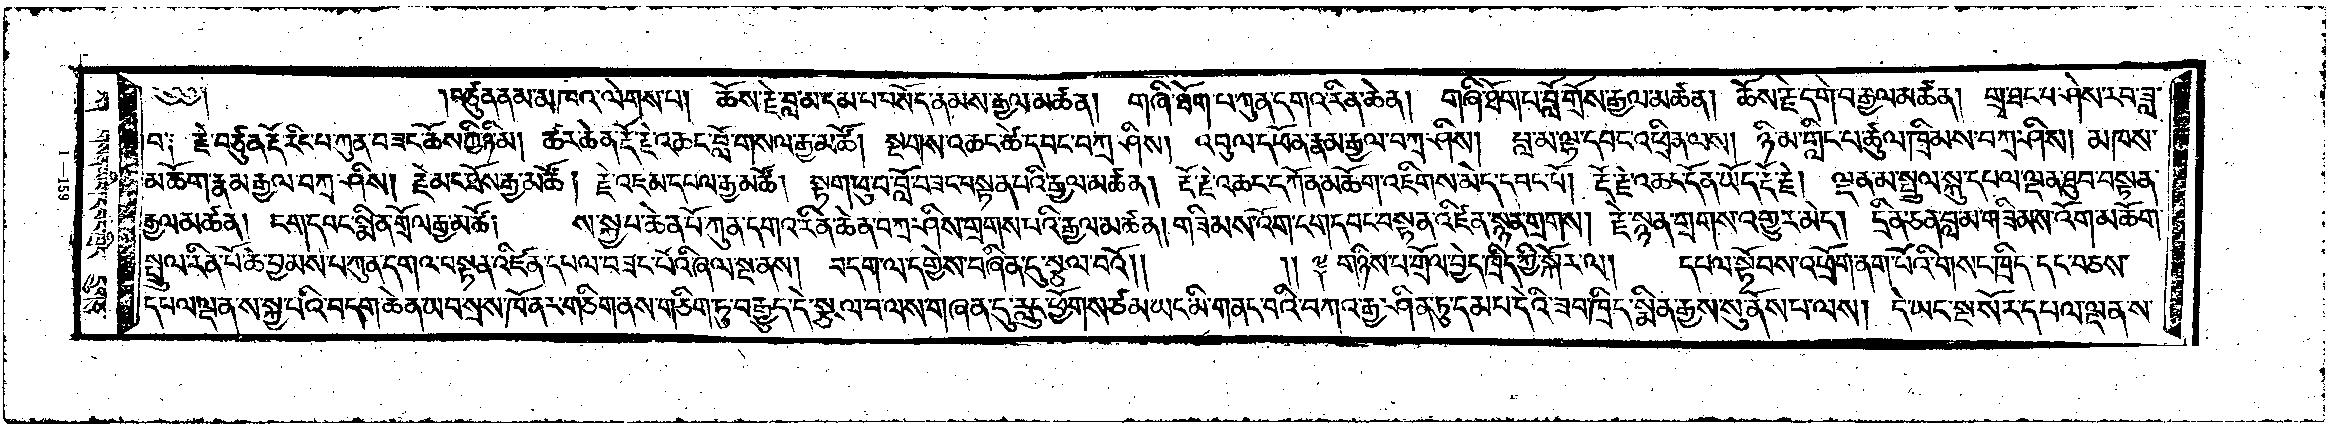༄༅། །བཙུན་ནམ་མཁའ་ལེགས་པ། ཆོས་རྗེ་བླ་མ་དམ་པ་བསོད་ནམས་རྒྱལ་མཚན། གཞི་ཐོག་པ་ཀུན་དགའ་རིན་ཆེན། གཞི་ཐོག་པ་བློ་གྲོས་རྒྱལ་མཚན། ཆོས་རྗེ་དགེ་བ་རྒྱལ་མཚན། གྲྭ་ཐང་པ་ཤེས་རབ་ཟླ་
བ༑ རྗེ་བཙུན་རྡོ་རིང་པ་ཀུན་བཟང་ཆོས་ཀྱི་ཉི་མ། ཚར་ཆེན་རྡོ་རྗེ་འཆང་བློ་གསལ་རྒྱ་མཚོ། སྔགས་འཆང་ཚེ་དབང་བཀྲ་ཤིས། འབུལ་དཔོན་རྣམ་རྒྱལ་བཀྲ་ཤིས། བླ་མ་ལྷ་དབང་འཕྲིན་ལས། ཉི་མ་གླིང་པ་ཚུལ་ཁྲིམས་བཀྲ་ཤིས། མཁས་
མཆོག་རྣམ་རྒྱལ་བཀྲ་ཤིས། རྗེ་མང་ཐོས་རྒྱ་མཚོ། རྗེ་འཇམ་དཔལ་རྒྱ་མཚོ། སྟག་ཕུ་བ་བློ་བཟང་བསྟན་པའི་རྒྱལ་མཚན། རྡོ་རྗེ་འཆང་དཀོན་མཆོག་འཇིགས་མེད་དབང་པོ། རྡོ་རྗེ་འཆང་དོན་ཡོད་རྡོ་རྗེ། ལྡན་མ་སྤྲུལ་སྐུ་དཔལ་ལྡན་ཐུབ་བསྟན་
རྒྱལ་མཚན། ངག་དབང་སྨིན་གྲོལ་རྒྱ་མཚོ། ས་སྐྱ་པ་ཆེན་པོ་ཀུན་དགའ་རིན་ཆེན་བཀྲ་ཤིས་གྲགས་པའི་རྒྱལ་མཚན། གཟིམས་འོག་ངག་དབང་བསྟན་འཛིན་སྙན་གྲགས། རྗེ་སྙན་གྲགས་འགྱུར་མེད། དྲིན་ཅན་བླ་མ་གཟིམས་འོག་མཆོག་
སྤྲུལ་རིན་པོ་ཆེ་བྱམས་པ་ཀུན་དགའ་བསྟན་འཛིན་དཔལ་བཟང་པོའི་ཞལ་སྔ་ནས། བདག་ལ་དགྱེས་བཞིན་དུ་སྩལ་བའོ།། །། ༈ གཉིས་པ་གྲོལ་བྱེད་ཁྲིད་ཀྱི་སྐོར་ལ། དཔལ་སྟོབས་འཕྲོག་ནག་པོའི་གསང་ཁྲིད་དང་བཅས་
དཔལ་ལྡན་ས་སྐྱ་པའི་བདག་ཆེན་ཡབ་སྲས་ཁོ་ནར་གཅིག་ནས་གཅིག་ཏུ་བརྒྱུད་དེ་སྩལ་བ་ལས་གཞན་དུ་རླུང་ཕྱོགས་ཙམ་ཡང་མི་གནང་བའི་བཀའ་རྒྱ་ཤིན་ཏུ་དམ་པ་དེའི་ཟབ་ཁྲིད་སྨིན་རྒྱས་སུ་ནོས་པ་ལས། དེ་ཡང་སྔ་སོར་དཔལ་ལྡན་ས་